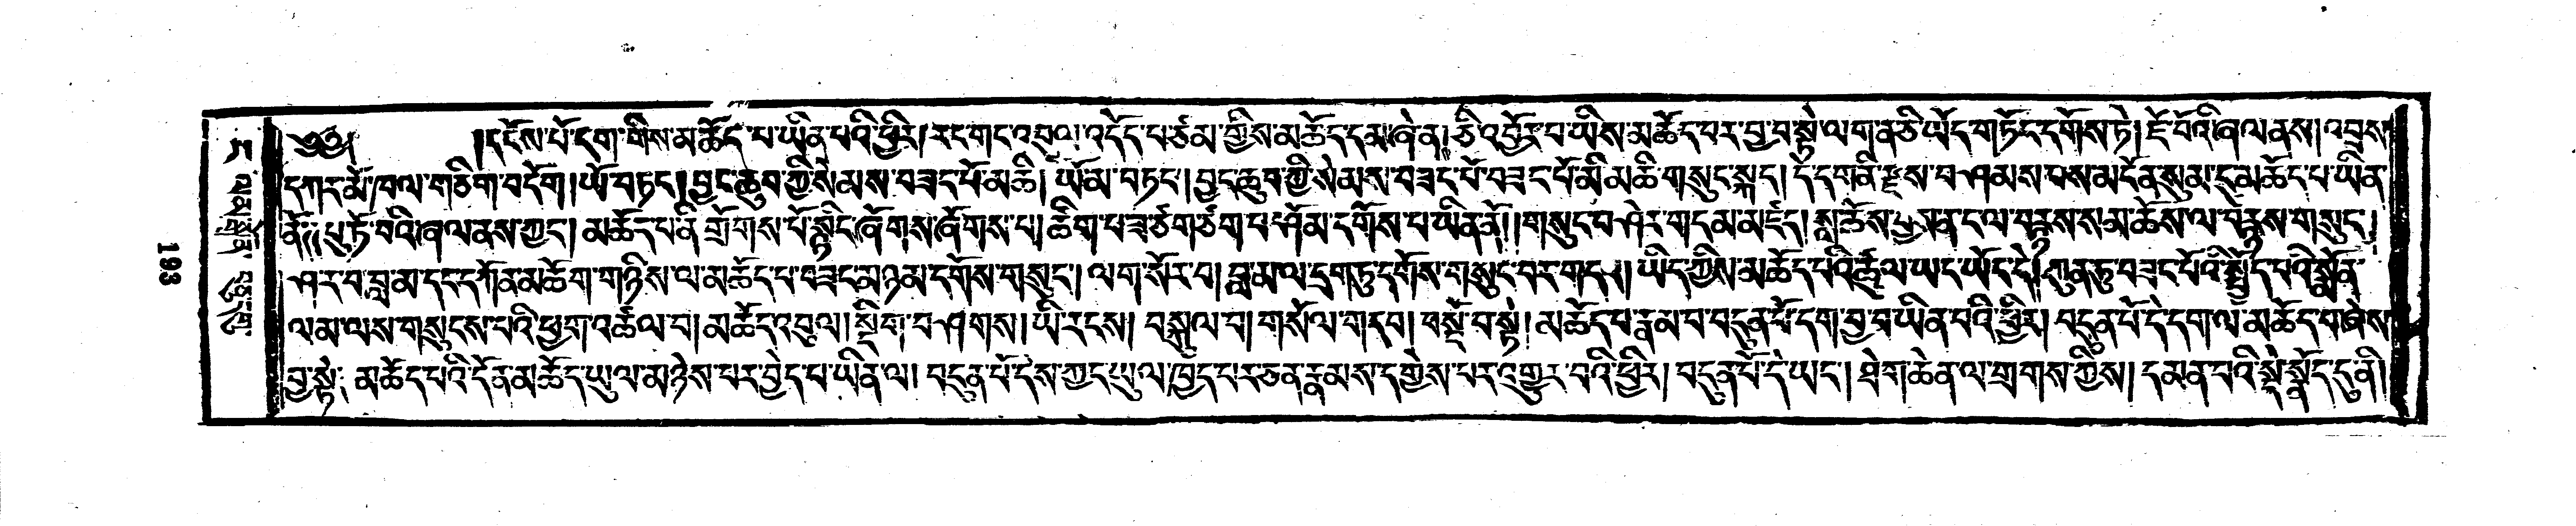༄༅། །དངོས་པོ་དག་གིས་མཆོད་པ་ཡིན་པའི་ཕྱིར། རང་གང་འབུལ་འདོད་པ་ཙམ་གྱིས་མཆོད་དམ་ཞེ་ན། ཅི་འབྱོར་པ་ཡིས་མཆོད་པར་བྱ་བ་སྟེ་ལག་ན་ཅི་ཡོད་གཏོང་དགོས་ཏེ། ཇོ་བོའི་ཞལ་ནས། འབྲས་
དཀར་མོ་ཁལ་གཅིག་བདོག །ཡོ་བཏང་། བྱང་ཆུབ་ཀྱི་སེམས་བཟང་པོ་མཆི། ཡོ་མ་བཏང་། བྱང་ཆུབ་ཀྱི་སེམས་བཟང་པོ་བཟང་པོ་མི་མཆི་གསུང་སྐད། དེ་དག་ནི་རྫས་བཤམས་པས་མངོན་སུམ་དུ་མཆོད་པ་ཡིན་
ནོ། །པུ་ཏོ་བའི་ཞལ་ནས་ཀྱང་། མཆོད་པ་ནི་གྲོགས་པོ་སྙིང་ཞོགས་ཞོགས་པ། ཚིག་པ་ཟ་ཙག་ཙག་པ་ཤོམ་དགོས་པ་ཡིན་ནོ། །གསུང་བཤེར་གདམ་མཛད། སླ་ཆོས་བྱས་ན་ང་ལ་བརྙས་ས་མཆོས་ལ་བརྙས་གསུང་།
ཤ་ར་བ་བླ་མ་དང་དཀོན་མཆོག་གཉིས་ལ་མཆོད་པ་བཟང་མཉམ་དགོས་གསུང་། ལག་སོང་བ། བླ་མ་ལ་དྲག་ཏུ་དགོས་གསུང་བར་གདའ། ཡིད་ཀྱིས་མཆོད་པའི་ཚུལ་ཡང་ཡོད་དེ། ཀུན་ཏུ་བཟང་པོའི་སྤྱོད་པའི་སྨོན་
ལམ་ལས་གསུངས་པའི་ཕྱག་འཚལ་བ། མཆོད་འབུལ། སྡིག་བཤགས། ཡི་རངས། བསྐུལ་བ། གསོལ་གདབ། བསྔོ་བ་སྟེ། མཆོད་པ་རྣམ་པ་བདུན་པོ་དག་བྱ་བ་ཡིན་པའི་ཕྱིར། བདུན་པོ་དེ་དག་ལ་མཆོད་པ་ཞེས་
པ་སྟེ། མཆོད་པའི་དོན་མཆོད་ཡུལ་མཉེས་པར་བྱེད་པ་ཡིན་ལ། བདུན་པོ་དེས་ཀྱང་ཡུལ་ཁྱད་པར་ཅན་རྣམས་དགྱེས་པར་འགྱུར་བའི་ཕྱིར། བདུན་པོ་དེ་ཡང་། ཐེག་ཆེན་ལ་གྲགས་ཀྱིས། དམན་པའི་སྡེ་སྣོད་དུ་ནི།